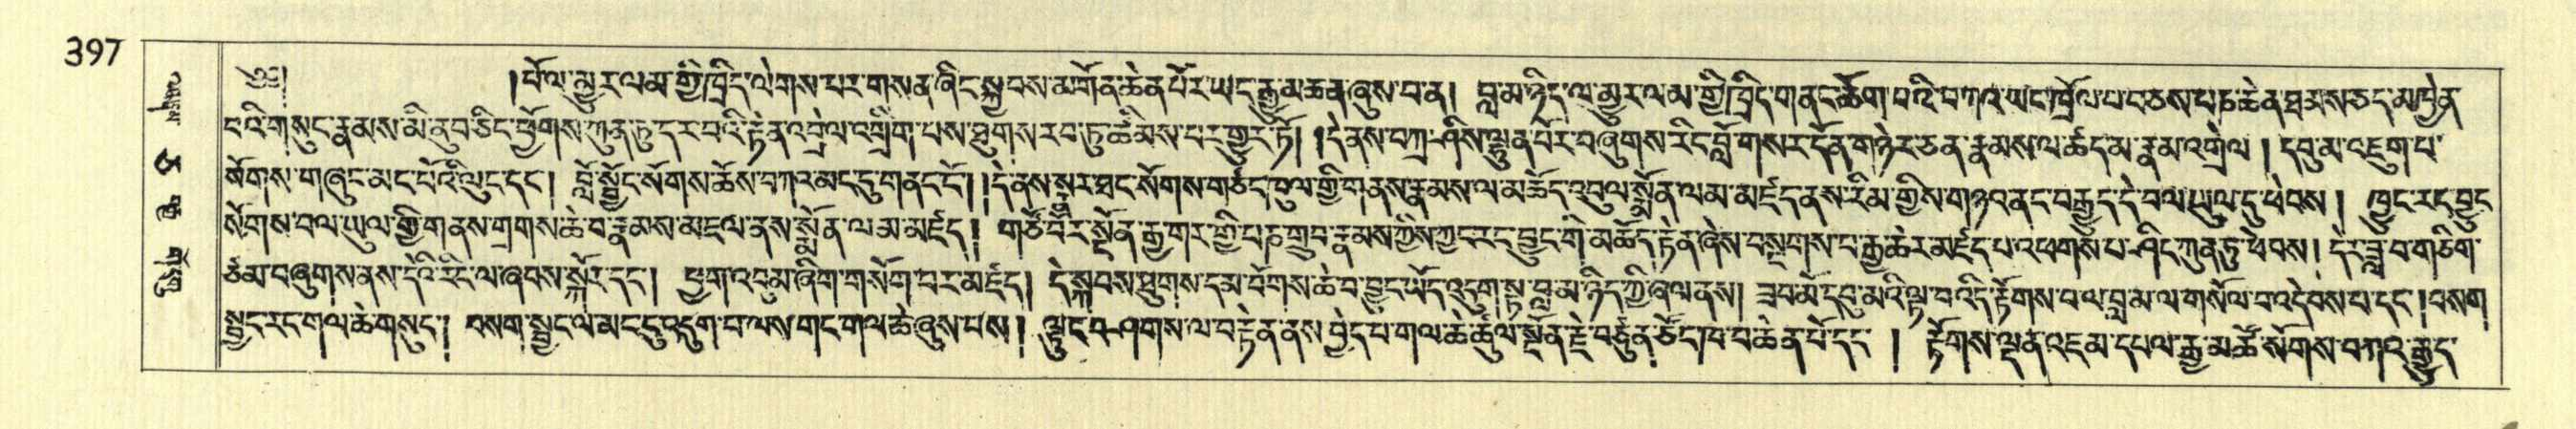༄༅། །པོ་ལ་མྱུར་ལམ་གྱི་ཁྲིད་ལེགས་པར་གསན་ཞིང་སྐྱབས་མགོན་ཆེན་པོར་ཡང་རྒྱུ་མཆན་ཞུས་བ་ན། བླ་མ་ཉིད་ལ་མྱུར་ལམ་གྱི་ཁྲིད་གནང་ཆོག་པའི་བཀའ་ཡང་ཁྲོལ་པ་བཅས་པཎ་ཆེན་ཐམས་ཅད་མཁྱེན་
བའི་གསུང་རྣམས་མི་ནུབ་ཅིང་ཕྱོགས་ཀུན་ཏུ་དར་བའི་རྟེན་འབྲེལ་འགྲིག་པས་ཐུགས་རབ་ཏུ་ཚིམས་པར་གྱུར་ཏོ། །དེ་ནས་བཀྲ་ཤིས་ལྷུན་པོར་བཞུགས་རིང་བློ་གསར་དོན་གཉེར་ཅན་རྣམས་ལ་ཚད་མ་རྣམ་འགྲེལ་།དབུ་མ་འཇུག་པ་
སོགས་གཞུང་མང་པོའི་ལུང་དང་། བློ་སྦྱོང་སོགས་ཆོས་བཀའ་མང་དུ་གནང་ངོ། །དེ་ནས་སྣར་ཐང་སོགས་གཙང་ཁུལ་གྱི་གནས་རྣམས་ལ་མཆོད་འབུལ་སྨོན་ལམ་མཛད་ནས་རིམ་གྱིས་གཉའ་ནང་བརྒྱུད་དེ་བླ་ཡུལ་དུ་ཕེབས། ཁྱུང་རང་བྱུང་
སོགས་བླ་ཡུལ་གྱི་གནས་གྲགས་ཆེ་བ་རྣམས་མཇལ་ནས་སྨོན་ལམ་མཛད། གཙོ་བོར་སྔོན་རྒྱ་གར་གྱི་པཎ་གྲུབ་རྣམས་ཀྱིས་ཀྱང་རང་བྱུང་གི་མཆོད་རྟེན་ཞེས་བསྔགས་བ་རྒྱ་ཆེར་མཛད་པ་འཕགས་པ་ཤིང་ཀུན་ཏུ་ཕེབས། དེར་ཟླ་བ་གཅིག་
ཙམ་བཞུགས་ནས་དེའི་རིང་ལ་ཞབས་སྐོར་དང་། ཕྱག་འབུམ་ཞིག་གསོག་བར་མཛད། དེ་སྐབས་ཐུགས་དམ་བོགས་ཆེ་བ་བྱུང་ཡོད་འདུག་སྟ་བླ་མ་ཉིད་ཀྱི་ཞལ་ནས། ཟབ་མོ་དབུ་མའི་ལྟ་བ་འདི་རྟོགས་པ་ལ་བླ་མ་ལ་གསོལ་བ་འདེབས་པ་དང་། བསག་
སྦྱང་རང་གལ་ཆེ་གསུང་། བསག་སྦྱང་ལ་མང་དུ་འདུག་པ་ལས་གང་གལ་ཆེ་ཞུས་པས། ལྟུང་བཤགས་ལ་བརྟེན་ནས་བྱེད་པ་གལ་ཆེ་ཚུལ་སྔོན་རྗེ་བཙུན་ཙོང་ཁ་པ་ཆེན་པོ་དང་། རྟོགས་ལྡན་འཇམ་དཔལ་རྒྱ་མཚོ་སོགས་བཀའ་རྒྱུད་